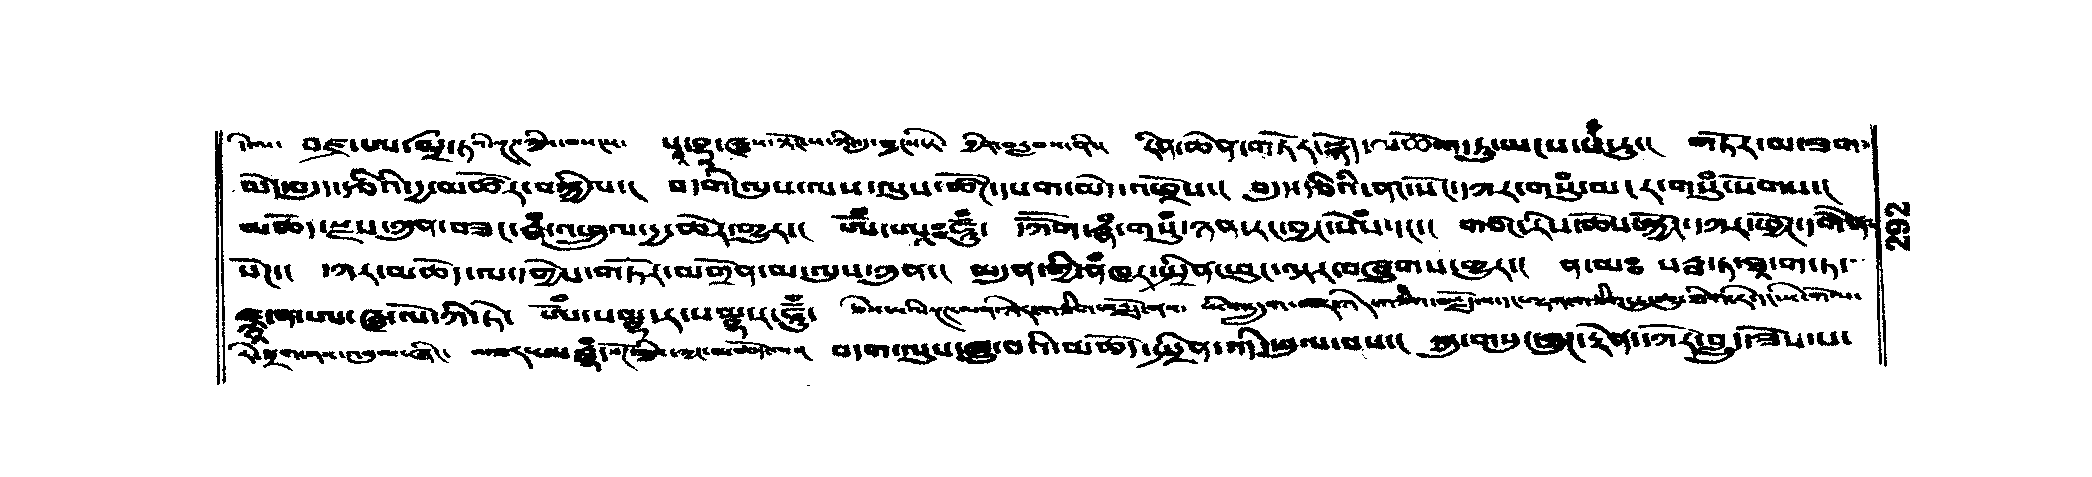དེ་ལ། བཛྲ་ཨ་མྲྀ་ཏ འི་སྔགས་ཀྱི་བསངས། སྭཱ་བྷ ས་སྟོབས་པ་ཉིད་དུ་སྦྱངས་ཏེ། བྱིན་རླབས་ནི། རིན་ཆེན་གཏོར་སྣོད་མཆོག་ཏུ་ཡངས་པ་རུ། །གཏོར་མ་ཟག་
མེད་བདུད་རྩིའི་རྒྱ་མཚོར་དཀྱིལ། །བདག་གི་ལུས་ལས་ལུས་ཚོགས་དཔག་མེད་འཕྲོས། །བདུད་རྩིའི་ངན་སོང་དཀར་གསུམ་མངར་གསུམ་སོགས། །
མཆོད་རྫས་ཀུན་བཟང་རྣམ་འཕྲུལ་རྒྱ་ཆེར་གྱུར། །ཨོྃ་ཨཱཿཧཱུྃ། དཀོན་མཆོག་རྣམ་གསུམ་ཉན་རང་བྱང་སེམས་དང་། །གཙང་རིས་ཆོས་སྐྱོང་དཀར་ཕྱོགས་དགོན་པོ་
སོགས། །དཀར་མཆོད་ལ་དགྱེས་གཏོར་མགྲོན་མ་ལུས་ཀུན། །མདུན་གྱི་ནམ་མཁར་སྤྲིན་ཕུང་ལྟར་བཞུགས་གྱུར། །ན་མཿསརྦ་ཏ་ཐཱ་ག་ཏ་
ཛྙཱ་ན་ཨ་ཝ་ལོ་ཀི་ཏེ།ཨོྃ་སམྦྷ་ར་ཨམྦྷ་ར་ཧཱུྃ། ཅེས་པའི་སྔགས་ལན་ཉེར་གཅིག་བརྗོད་ནས། ཡིག་དྲུག་ཚར་ཉེར་གཅིག་བརྗོད་ནས་ལྷན་ཅིག་ཏུ་ཆུ་ཐིག་རེ་དང་སེ་གོལ་
རེ་སྦྲན་ནས་འབུལ་ཞིང་། མཐར་ཨརྒྷཾ་སོགས་ཀྱི་ཀྱང་མཆོད་ལ། བདག་ལུས་ཞུ་བའི་མཆོད་སྤྲིན་འདི་ཕུལ་བས། །སྐུ་གསུམ་ཐུགས་རྟེན་དཀོར་བླུད་ཟོས་པ་